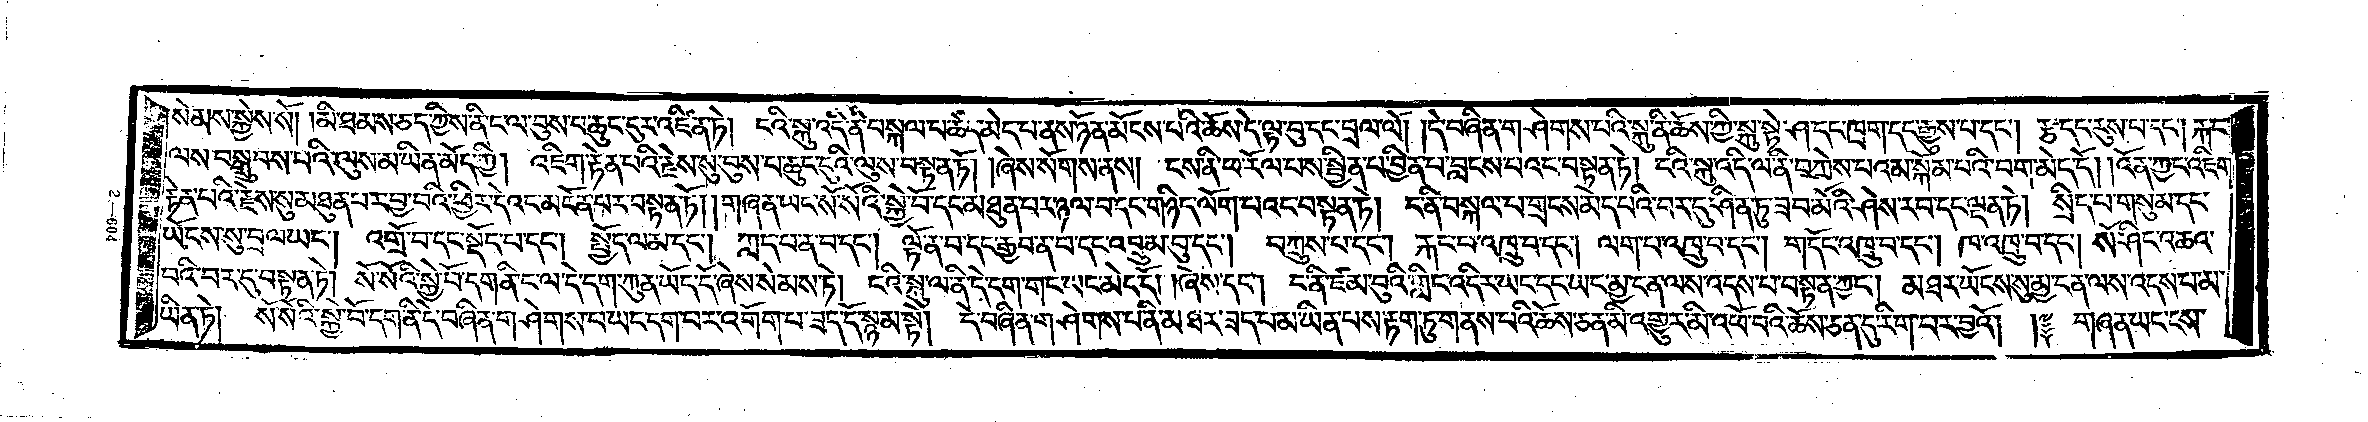སེམས་སྐྱེས་སོ། །མི་ཐམས་ཅད་ཀྱིས་ནི་ང་ལ་བུས་པ་ཆུང་དུར་འཛིན་ཏེ། ངའི་སྐུ་འདི་ནི་བསྐལ་པ་ཚད་མེད་པ་ན་སྙོན་མོངས་པའི་ཆོས་དེ་ལྟ་བུ་དང་བྲལ་ལོ། །དེ་བཞིན་གཤེགས་པའི་སྐུ་ནི་ཆོས་ཀྱི་སྐུ་སྟེ་ཤ་དང་ཁྲག་དང་རྒྱུས་པ་དང་། རྩ་དང་རུས་པ་དང་། རྐང་
ལས་བསྒྲུབས་པའི་ལུས་མ་ཡིན་མོད་ཀྱི། འཇིག་རྟེན་པའི་རྗེས་སུ་བུས་པ་ཆུང་ངུའི་ལུས་བསྟན་ཏོ། །ཞེས་སོགས་ནས། ངས་ནི་ཕ་རོལ་པས་སྦྱིན་པ་བྱིན་པ་བླངས་པའང་བསྟན་ཏེ། ངའི་སྐུ་འདི་ལ་ནི་བཀྲེས་པའམ་སྐོམ་པའི་བག་མེད་དོ། །འོན་ཀྱང་འཇིག་
རྟེན་པའི་རྗེས་སུ་མཐུན་པར་བྱ་བའི་ཕྱིར་དེའང་མངོན་པར་བསྟན་ཏོ། །གཞན་ཡང་སོ་སོའི་སྐྱེ་བོ་དང་མཐུན་པར་ཉལ་བ་དང་གཉིད་ལོག་པའང་བསྟན་ཏེ། ང་ནི་བསྐལ་པ་གྲངས་མེད་པའི་བར་དུ་ཤིན་ཏུ་ཟབ་མོའི་ཤེས་རབ་དང་ལྡན་ཏེ། སྲིད་པ་གསུམ་དང་
ཡོངས་སུ་བྲལ་ཡང་། འགྲོ་བ་དང་སྡོད་པ་དང་། སྤྱོད་ལམ་དང་། ཀླད་པ་ན་བ་དང་། ལྟོ་ན་བ་དང་རྒྱབ་ན་བ་དང་འབྲུམ་བུ་དང་། བཀྲུས་པ་དང་། རྐང་པ་འཁྲུ་པ་དང་། ལག་པ་འཁྲུ་པ་དང་། གདོང་འཁྲུ་པ་དང་། ཁ་འཁྲུ་བ་དང་། སོ་ཤིང་འཆའ་
བའི་བར་དུ་བསྟན་ཏེ། སོ་སོའི་སྐྱེ་བོ་དག་ནི་ང་ལ་དེ་དག་ཀུན་ཡོད་དོ་ཞེས་སེམས་ཏེ། ངའི་སྐུ་ལ་ནི་དེ་དག་གང་ཡང་མེད་དོ། །ཞེས་དང་། ང་ནི་ཛམ་བུའི་གླིང་འདིར་ཡང་དང་ཡང་མྱ་ངན་ལས་འདས་པ་བསྟན་ཀྱང་། མཐར་ཡོངས་སུ་མྱ་ངན་ལས་འདས་པ་མ་
ཡིན་ཏེ། སོ་སོའི་སྐྱེ་བོ་དག་ནི་དེ་བཞིན་གཤེགས་པ་ཡང་དག་པར་འགོག་པ་ཟད་དོ་སྙམ་སྟེ། དེ་བཞིན་གཤེགས་པ་ནི་མཐར་ཟད་པ་མ་ཡིན་པས་རྟག་ཏུ་གནས་པའི་ཆོས་ཅན་མི་འགྱུར་མི་འཕོ་བའི་ཆོས་ཅན་དུ་རིག་པར་བྱའོ། །༈ གཞན་ཡང་ངས་